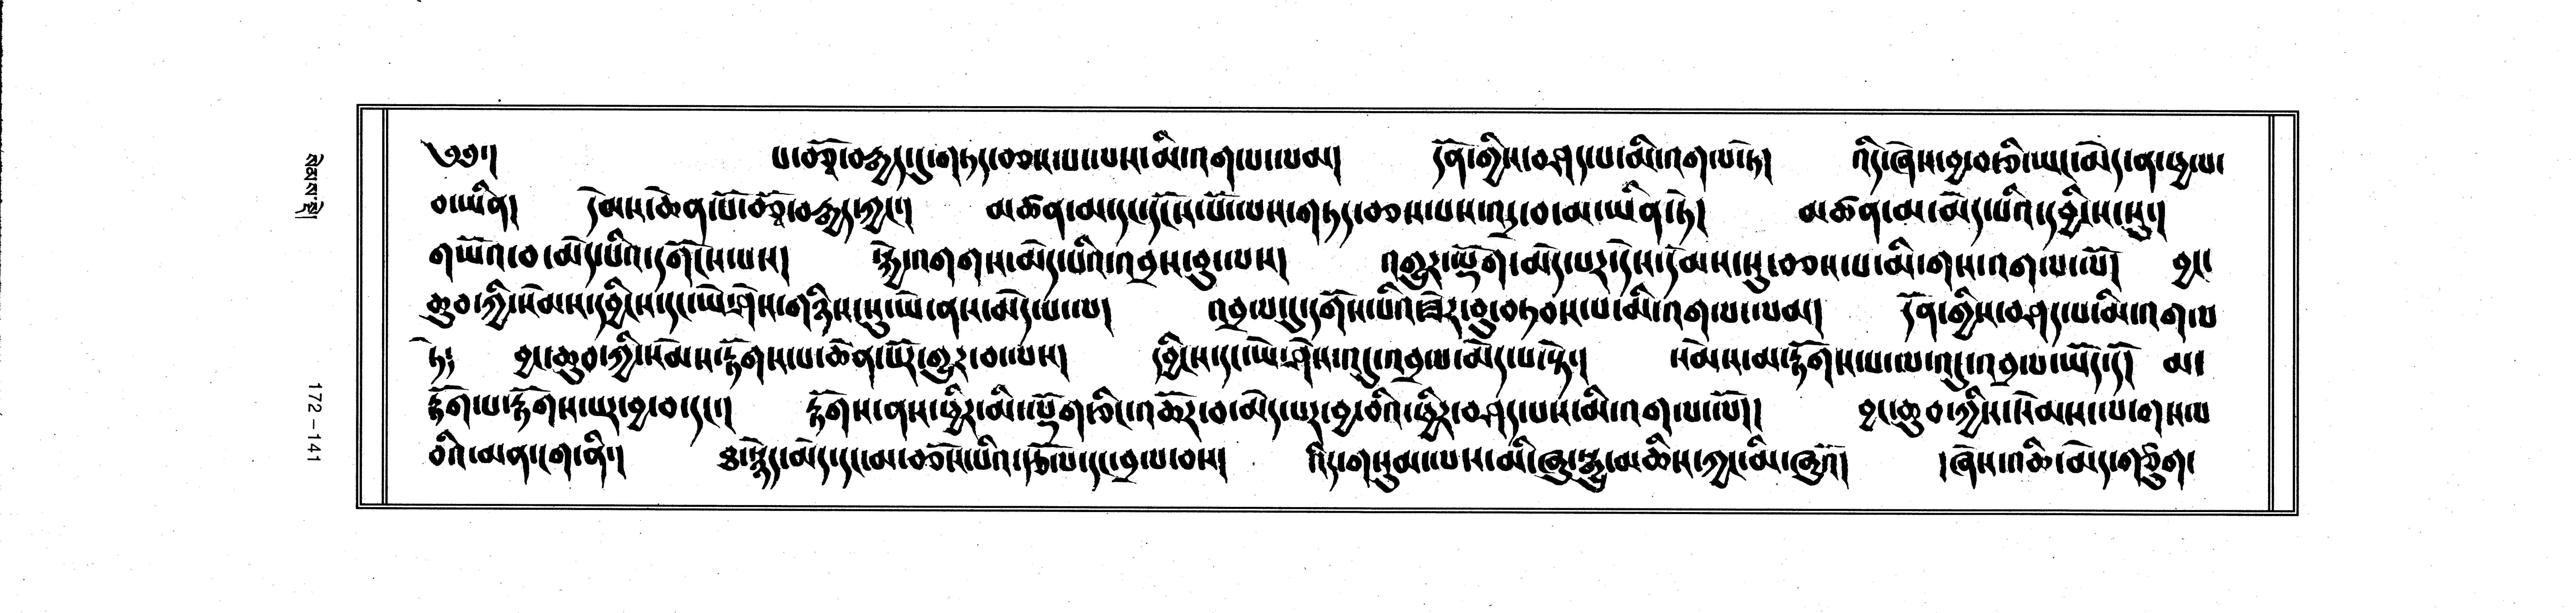པོ་བཅྭོ་བརྒྱད་དུ་གཏད་བཅས་པ་ལས་མི་འགལ་ལམ། དོན་གྱིས་བཤད་པ་མི་འགལ་ཏེ། འདི་ཞེས་བྱ་བ་ཅི་ཡང་མེད་ན་ཕྱལ་
བ་ཡིན། དེམས་ཆེན་པོ་བཅྭོ་བརྒྱད་ཀྱང་། མཚན་མ་དང་དངོས་པོ་ལས་གཏད་བཅས་པས་འདྲ་བ་མ་ཡིན་ཏེ། མཚན་མ་མེད་པའི་དབྱིངས་སུ། 
གཡོའ་བ་མེད་པའི་དགོངས་པས། སྐྱེ་འགགས་མེད་པའི་འབྲས་བུ་ལས། འགྱུར་ལྡོག་མེད་པར་དེས་དེམས་སུ་བཅས་པ་མི་འགལ་ལོ། བྱང་
ཆུབ་ཀྱི་སེམས་དབྱིངས་དང་ཡེ་ཤེས་གཉིས་སུ་ཡེ་ནས་མེད་པ་ལ། འབྲལ་དུ་དགོས་པའི་ཟེར་བུ་བཏབས་པ་མི་འགལ་ལམ། དོན་གྱིས་བཤད་པ་མི་འགལ་
ཏེ། བྱང་ཆུབ་ཀྱི་སེམས་རྟོགས་པ་ཆེན་པོར་གྱུར་བ་ལས། དབྱིངས་དང་ཡེ་ཤེས་འདུ་འབྲལ་མེད་པ་སྟེ། སེམས་མ་རྟོགས་པ་ལ་འདུ་འབྲལ་ཡོད་དོ། མ་
རྟོགས་པ་རྟོགས་པར་བྱ་བ་དང་། རྟོགས་ནས་ཕྱིར་མི་ལྡོག་ཅིང་འཆོར་བ་མེད་པར་བྱ་བའི་ཕྱིར་བཤད་པས་མི་འགལ་ལོ། བྱང་ཆུབ་ཀྱིས་སེམས་ལ་གསལ་
བའི་མན་ངག་ནི། ཐ་སྙེད་མེད་དང་མ་བཅོས་པའི་རྩོལ་དང་བྲལ་བས། འདི་གསུམ་ལས་མི་ཞུ་སྒྱུ་མཆིས་ཀྱང་མི་ཞུའོ། ཞེས་འཆི་མེད་གཙུག་